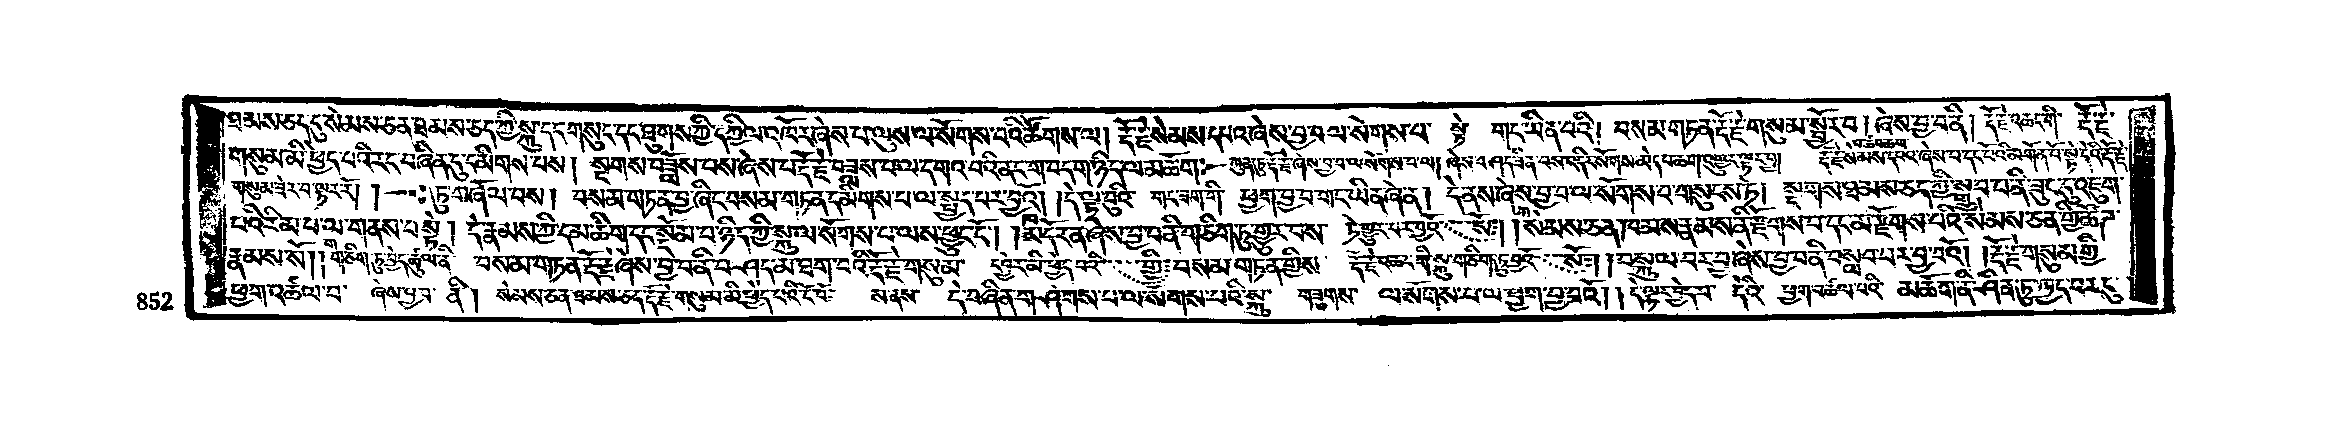ཐམས་ཅད་དུ་སེམས་ཅན་ཐམས་ཅད་ཀྱི་སྐུ་དང་གསུང་དང་ཐུགས་ཀྱི་དཀྱིལ་འཁོར་ཞེས་པ་ལུས་ལ་སོགས་པའི་ཚོགས་ལ། རྡོ་རྗེ་སེམས་དཔའ་ཞེས་བྱ་བ་ལ་སོགས་པ་སྟེ་གང་ཡིན་པའི། བསམ་གཏན་རྡོ་རྗེ་གསུམ་སྦྱོར་བ། ཞེས་བྱ་བ་ནི། རྡོ་རྗེ་འཆང་གི་རྡོ་རྗེ་
གསུམ་མི་ཕྱེད་པའི་རང་བཞིན་དུ་དམིགས་པས། སྔགས་བཟློས་པས་ཞེས་པ་རྡོ་རྗེ་བཟླས་པ་ལ་དགའ་བའི་ནང་གི་བདག་ཉིད་ལ་མཆོགཿ་ཀུན་ཏུ་རྡོ་རྗེ་ཞེས་བྱ་བ་ལ་སོགས་པ་ལ། ཞེས་བཤད་ཟིན་པས་འདིར་སོགས་མེད་པ་ཆག་འགྱུར་ལྟར་བྱ། པ་ཚབ་པ་ཆག྄་རྡོ་རྗེ་སེམས་དཔའ་ཞེས་པ་དང་པོའི་མགོན་པོ་སྟེ་དེའི་རྡོ་རྗེ་
གསུམ་ཟེར་པ་ལྟར་རོ། །.H ཏུ་གཞོལ་བས། བསམ་གཏན་བྱ་ཞིང་བསམ་གཏན་དམིགས་པ་ལ་སྤྱད་པར་བྱའོ། །དེ་ལྟ་བུའི་གང་ཟག་གི་ཕྱག་བྱ་བ་གང་ཡིན་ཞེ་ན། དེ་ནས་ཞེས་བྱ་བ་ལ་སོགས་པ་གསུངས་ཏེ། སྔགས་ཐམས་ཅད་ཀྱི་སྒྲུབ་པ་ནི་ཟུང་དུ་འཇུག་
པའི་རིམ་པ་ལ་གནས་སྟེ། དེ་རྣམས་ཀྱི་དམ་ཚིག་དང་སྡོམ་པ་ཉིད་ཀྱི་སྐུ་ལ་སོགས་པ་ལས་ཕུང་ངོ། ། ཁ྄་མདོར་ན་ཞེས་བྱ་བ་ནི་གཅིག་ཏུ་གྱུར་བས་ཏེ་གྱུར་པར་བྱའོ་སོ། ཁ྄་།སེམས་ཅན་ཁམས་རྣམས་ནི་རྫོགས་པ་དང་མ་རྫོགས་པའི་སེམས་ཅན་གྱི་ཚོགས་
རྣམས་སོ། ག྄་།གཅིག་ཏུ་བྱེད་ཚུལ་ནི་བསམ་གཏན་རྡོ་རྗེ་ཞེས་བྱ་བ་ནི་བཤད་མ་ཐག་པའི་རྡོ་རྗེ་གསུམ་དབྱེར་མི་ཕྱེད་པའི་གྱི་བསམ་གཏན་གྱིས་རྡོ་རྗེ་འཆང་ཨི་སྐུ་གཅིག་ཏུ་བྱའོ་སོ།  །བསྐུལ་བར་བྱ་ཞེས་བྱ་བ་ནི་བསླབ་པར་བྱ་བའོ། །རྡོ་རྗེ་གསུམ་གྱི་
ཕྱག་འཚལ་བ་ཞེས་བྱ་བ་ནི། སེམས་ཅན་ཐམས་ཅད་རྡོ་རྗེ་གསུམ་མི་ཕྱེད་པའི་ངོ་བོར་བལྟས་ན་དེ་བཞིན་གཤེགས་པ་ལ་སོགས་པའི་སྐུ་གཟུགས་ལ་སོགས་པ་ལ་ཕྱག་བྱ་བའོ། །དེ་ལྟར་བྱེད་པ་དེའི་ཕྱག་འཚལ་བའི་མཆོག་ནི་ཤིན་ཏུ་ཁྱད་པར་དུ་